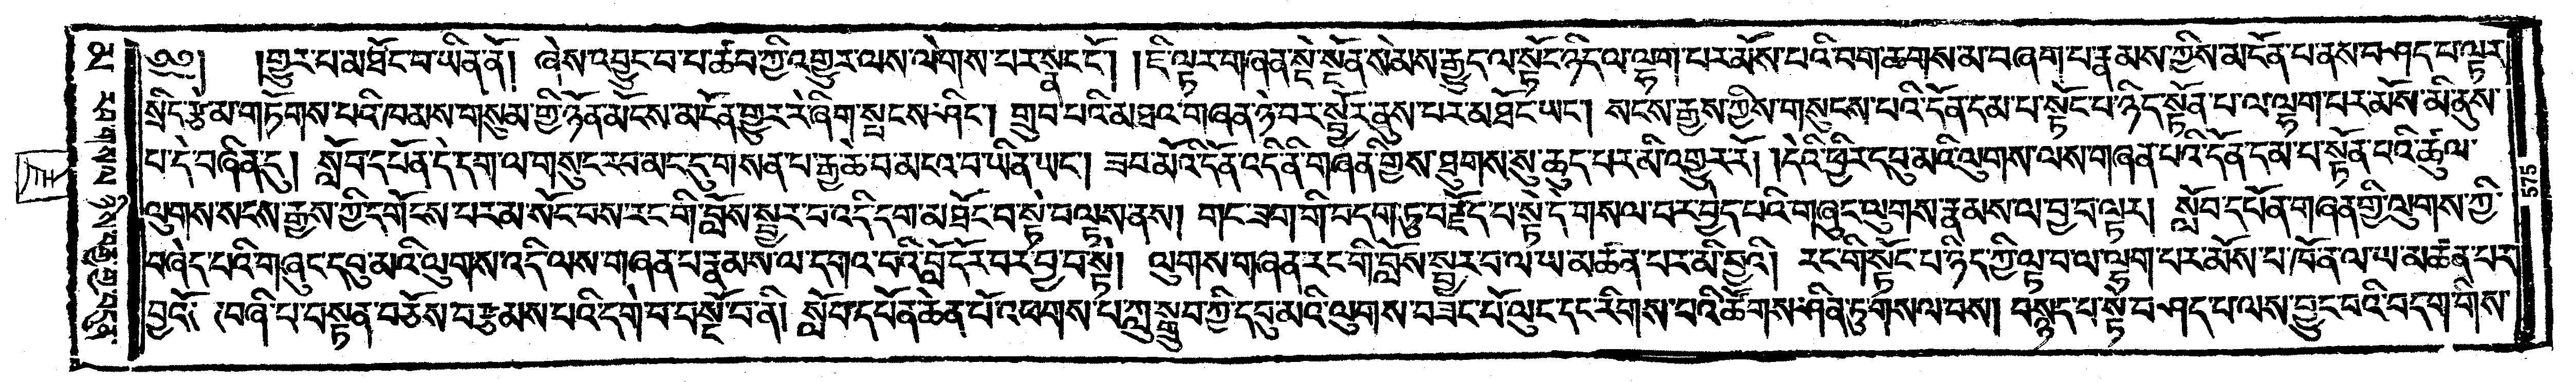༄༅། །གྱུར་པ་མཐོང་བ་ཡིན་ནོ། ཞེས་འབྱུང་བ་པ་ཚབ་ཀྱི་འགྱུར་ལས་ལེགས་པར་སྣང་ངོ། །ཇི་ལྟར་གཞན་སྡེ་སྔོན་སེམས་རྒྱུད་ལ་སྟོང་ཉིད་ལ་ལྷག་པར་མོས་པའི་བག་ཆགས་མ་བཞག་པ་རྣམས་ཀྱིས་མངོན་པ་ནས་བཤད་པ་ལྟར་
སྲིད་རྩེ་མ་གཏོགས་པའི་ཁམས་གསུམ་གྱི་ཉོན་མོངས་མངོན་གྱུར་རེ་ཞིག་སྤངས་ཤིང་། གྲུབ་པའི་མཐའ་གཞན་ཉེ་བར་སྦྱོར་ནུས་པར་མཐོང་ཡང་། སངས་རྒྱས་ཀྱིས་གསུངས་པའི་དོན་དམ་པ་སྟོང་པ་ཉིད་སྟོན་པ་ལ་ལྷག་པར་མོས་མི་ནུས་
པ་དེ་བཞིན་དུ། སློབ་དཔོན་དེ་དག་ལ་གསུང་རབ་མང་དུ་གསན་པ་རྒྱ་ཆེ་པ་མངའ་བ་ཡིན་ཡང་། ཟབ་མོའི་དོན་འདི་ནི་གཞན་གྱིས་ཐུགས་སུ་ཆུད་པར་མི་འགྱུར་རོ། །དེའི་ཕྱིར་དབུ་མའི་ལུགས་ལས་གཞན་པའི་དོན་དམ་པ་སྟོན་པའི་ཚུལ་
ལུགས་སངས་རྒྱས་ཀྱི་དགོངས་པར་མ་སོང་བས་རང་གི་བློས་སྦྱར་བ་འདི་དག་མཐོང་བ་སྟེ་བལྟས་ནས། གང་ཟག་གི་བདག་ཏུ་བརྗོད་པ་སྟེ་དེ་གསལ་བར་བྱེད་པའི་གཞུང་ལུགས་རྣམས་ལ་བྱ་བ་ལྟར། སློབ་དཔོན་གཞན་གྱི་ལུགས་ཀྱི་
བཞེད་པའི་གཞུང་དབུ་མའི་ལུགས་འདི་ལས་གཞན་པ་རྣམས་ལ་དགའ་བའི་བློ་དོར་བར་བྱ་བ་སྟེ། ལུགས་གཞན་རང་གི་བློས་སྦྱར་བ་ལ་ཡ་མཚན་པར་མི་བྱའི། རང་གི་སྟོང་པ་ཉིད་ཀྱི་ལྟ་བ་ལ་ལྷག་པར་མོས་པ་ཁོ་ན་ལ་ཡ་མཚན་པར་
བྱའོ༑ ༑བཞི་པ་བསྟན་བཅོས་བརྩམས་པའི་དགེ་བ་བསྔོ་བ་ནི། སློབ་དཔོན་ཆེན་པོ་འཕགས་པ་ཀླུ་སྒྲུབ་ཀྱི་དབུ་མའི་ལུགས་བཟང་པོ་ལུང་དང་རིགས་པའི་ཚོགས་ཤིན་ཏུ་གསལ་བས། བསྙད་པ་སྟེ་བཤད་པ་ལས་བྱུང་བའི་བདག་གིས་